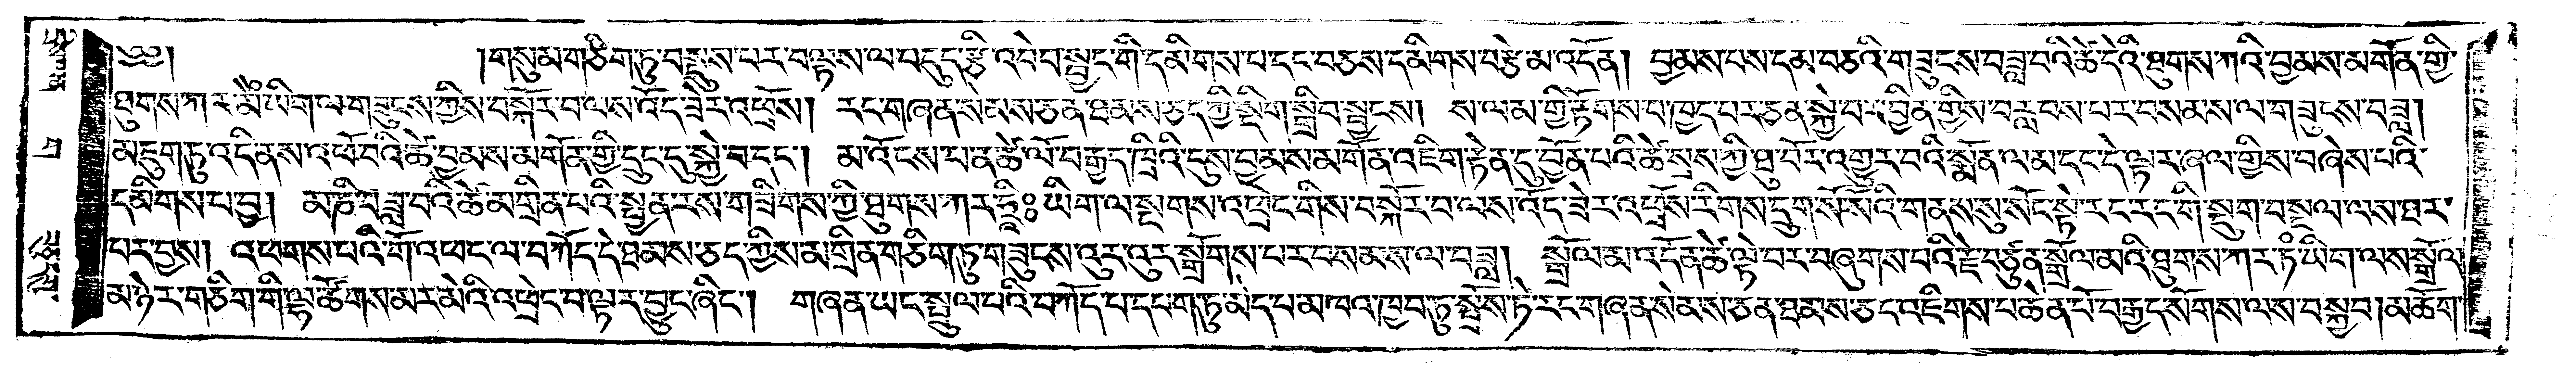༄༅། །གསུམ་གཅིག་ཏུ་བསྡུས་པར་བལྟས་ལ་བདུད་རྩི་འབེབ་སྦྱང་གི་དམིགས་པ་དང་བཅས་དམིགས་བརྩེ་མ་འདོན། བྱམས་པས་དམ་བཅའི་གཟུངས་བཟླ་བའི་ཚེ་དེའི་ཐུགས་ཀའི་བྱམས་མགོན་གྱི་
ཐུགས་ཀར་མཻཾ་ཡིག་ལ་གཟུངས་ཀྱིས་བསྐོར་བ་ལས་འོད་ཟེར་འཕྲོས། རང་གཞན་སེམས་ཅན་ཐམས་ཅད་ཀྱི་སྡིག་སྒྲིབ་སྦྱངས། ས་ལམ་གྱི་རྟོགས་པ་ཁྱད་བར་ཅན་སྐྱེ་བར་བྱིན་གྱིས་བརླབས་པར་བསམས་ལ་གཟུངས་བཟླ།
མཇུག་ཏུ་འདི་ནས་འཕོ་བའི་ཚེ་བྱམས་མགོན་གྱི་དྲུང་དུ་སྐྱེ་བ་དང་། མ་འོངས་པ་ན་ཚེ་ལོ་བརྒྱད་ཁྲིའི་དུས་བྱམས་མགོན་འཇིག་རྟེན་དུ་བྱོན་པའི་ཚེ་སྲས་ཀྱི་ཐུ་བོར་འགྱུར་བའི་སྨོན་ལམ་དང་དེ་ལྟར་ཞལ་གྱིས་བཞེས་པའི་
དམིགས་པ་བྱ། མཎི་བཟླ་བའི་ཚེ་མགྲིན་པའི་སྤྱན་རས་གཟིགས་ཀྱི་ཐུགས་ཀར་ཧྲཱིཿཡིག་ལ་སྔགས་འཕྲེང་གིས་བསྐོར་བ་ལས་འོད་ཟེར་འཕྲོས་རིགས་དྲུག་སོ་སོའི་གནས་སུ་སོང་སྟེ་རང་རང་གི་སྡུག་བསྔལ་ལས་ཐར་
བར་བྱས། འཕགས་པའི་གོ་འཕང་ལ་བཀོད་དེ་ཐམས་ཅད་ཀྱིས་མགྲིན་གཅིག་ཏུ་གཟུངས་འུར་སྒྲོགས་པར་བསམས་ལ་བཟླ། སྒྲོལ་མ་འདོན་ཚེ་ལྟེ་བར་བཞུགས་པའི་རྗེ་བཙུན་སྒྲོལ་མའི་ཐུགས་ཀར་ཏཾ་ཡིག་ལས་སྒྲོལ་
མཉེར་གཅིག་གི་ལྷ་ཚོགས་མར་མེའི་འཕྲེང་བ་ལྟར་བྱུང་ཞིང་། གཞན་ཡང་སྤྲུལ་པའི་བཀོད་པ་དཔག་ཏུ་མེད་པ་མཁའ་ཁྱབ་ཏུ་སྤྲོས་ཏེ་རང་གཞན་སེམས་ཅན་ཐམས་ཅད་འཇིགས་པ་ཆེན་པོ་བརྒྱད་སོགས་ལས་བསྐྱབ། མཆོག་